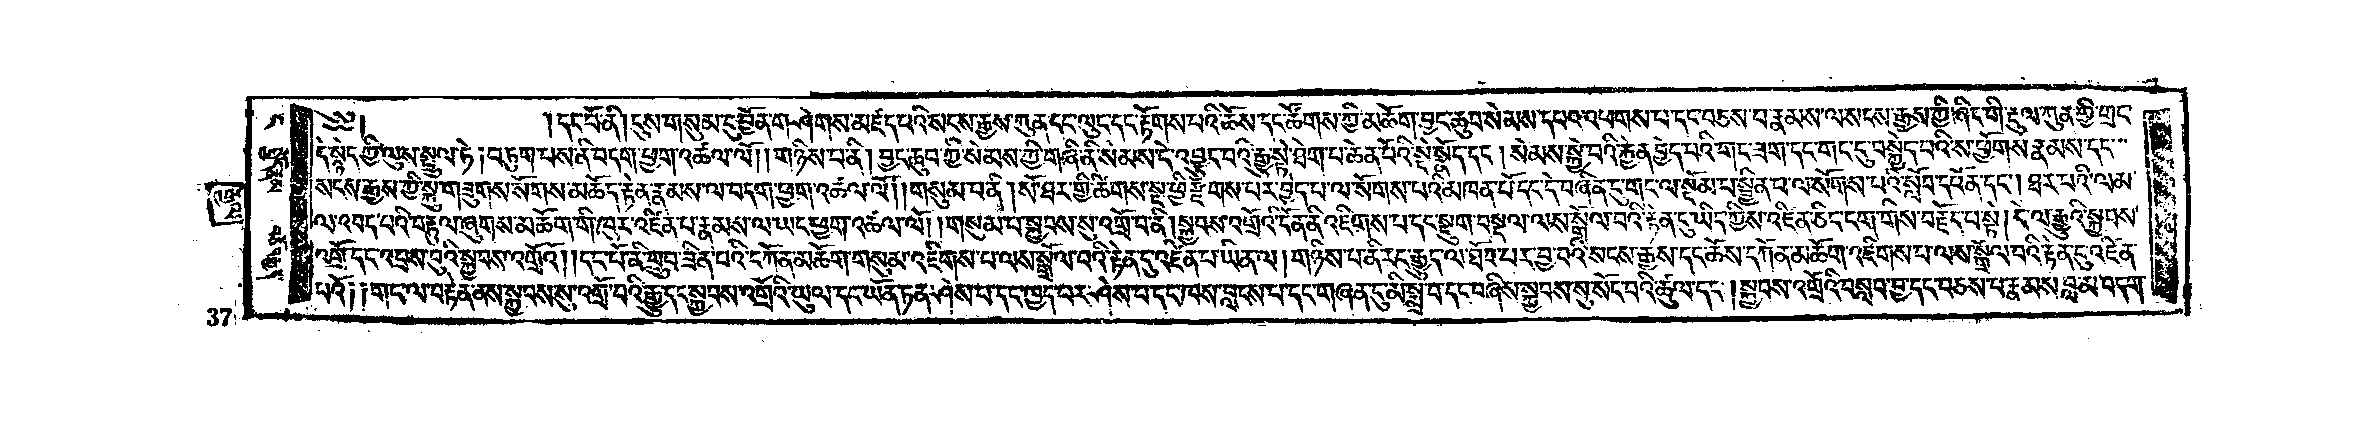༄༅། །དང་པོ་ནི། དུས་གསུམ་དུ་བྱོན་གཤེགས་མཛད་པའི་སངས་རྒྱས་ཀུན་དང་ལུང་དང་རྟོགས་པའི་ཆོས་དང་ཚོགས་ཀྱི་མཆོག་བྱང་ཆུབ་སེམས་དཔའ་འཕགས་པ་དང་བཅས་པ་རྣམས་ལ་སངས་རྒྱས་ཀྱི་ཞིང་གི་རྡུལ་ཀུན་གྱི་དྲང་
དེ་སྙེད་ཀྱི་ལུས་སྤྲུལ་ཏེ། བཏུག་པས་ནི་བདག་ཕྱག་འཚལ་ལོ། །གཉིས་པ་ནི། བྱང་ཆུབ་ཀྱི་སེམས་ཀྱི་གཞི་ནི་སེམས་དེ་འབྱུང་བའི་རྒྱུ་སྟེ་ཐེག་པ་ཆེན་པོའི་སྡེ་སྣོད་དང་། སེམས་སྐྱེ་བའི་རྐྱེན་བྱེད་པའི་གང་ཟག་དང་གང་དུ་བསྐྱེད་པའི་ས་ཕྱོགས་རྣམས་དང་
སངས་རྒྱས་ཀྱི་སྐུ་གཟུགས་སོགས་མཆོད་རྟེན་རྣམས་ལ་བདག་ཕྱག་འཚལ་ལོ། །གསུམ་པ་ནི། སོ་ཐར་གྱི་ཚིགས་སྣ་ཕྱི་རྫོགས་པར་བྱེད་པ་ལ་སོགས་པའི་མཁན་པོ་དང་དེ་བཞིན་དུ་གང་ལ་སྡོམ་པ་སྦྱིན་པ་ལ་སོགས་པའི་སློབ་དཔོན་དང་། ཐར་པའི་ལམ་
ལ་འབད་པའི་བརྟུལ་ཞུགས་མཆོག་གི་ཁུར་འཛིན་པ་རྣམས་ལ་ཡང་ཕྱག་འཚལ་ལོ། །གསུམ་པ་སྐྱབས་སུ་འགྲོ་བ་ནི། སྐྱབས་འགྲོའི་དོན་ནི་འཇིགས་པ་དང་སྡུག་བསྔལ་ལས་སྒྲོལ་བའི་རྟེན་དུ་ཡིད་ཀྱིས་འཛིན་ཅིང་ངག་གིས་བརྗོད་པ་སྟེ། དེ་ལ་རྒྱུའི་སྐྱབས་
འགྲོ་དང་འབྲས་བུའི་སྐྱབས་འགྲོའོ། །དང་པོ་ནི་གྲུབ་ཟིན་པའི་དཀོན་མཆོག་སུམ་འཇིགས་པ་ལས་སྒྲོལ་བའི་རྟེན་དུ་འཛིན་པ་ཡིན་ལ། གཉིས་པ་ནི། རང་རྒྱུད་ལ་ཐོབ་པ༠ར་བྱ་བའི་སངས་རྒྱས་དང་ཆོས་དཀོན་མཆོག་འཇིགས་པ་ལས་སྒྲོལ་བའི་རྟེན་དུ་འཛིན་
པའོ༑ ༑གང་ལ་བརྟེན་ནས་སྐྱབས་སུ་འགྲོ་བའི་རྒྱུ་དང་སྐྱབས་འགྲོའི་ཡུལ་དང་ཡོན་ཏན་ཤེས་པ་དང་ཁྱད་པར་ཤེས་པ་དང་ཁས་བླངས་པ་དང་གཞན་དུ་མི་སྨྲ་བ་དང་བཞིས་སྐྱབས་སུ་སོང་བའི་ཚུལ་དང་། སྐྱབས་འགྲོའི་བསླབ་བྱ་དང་བཅས་པ་རྣམས་བླ་མ་བདག་